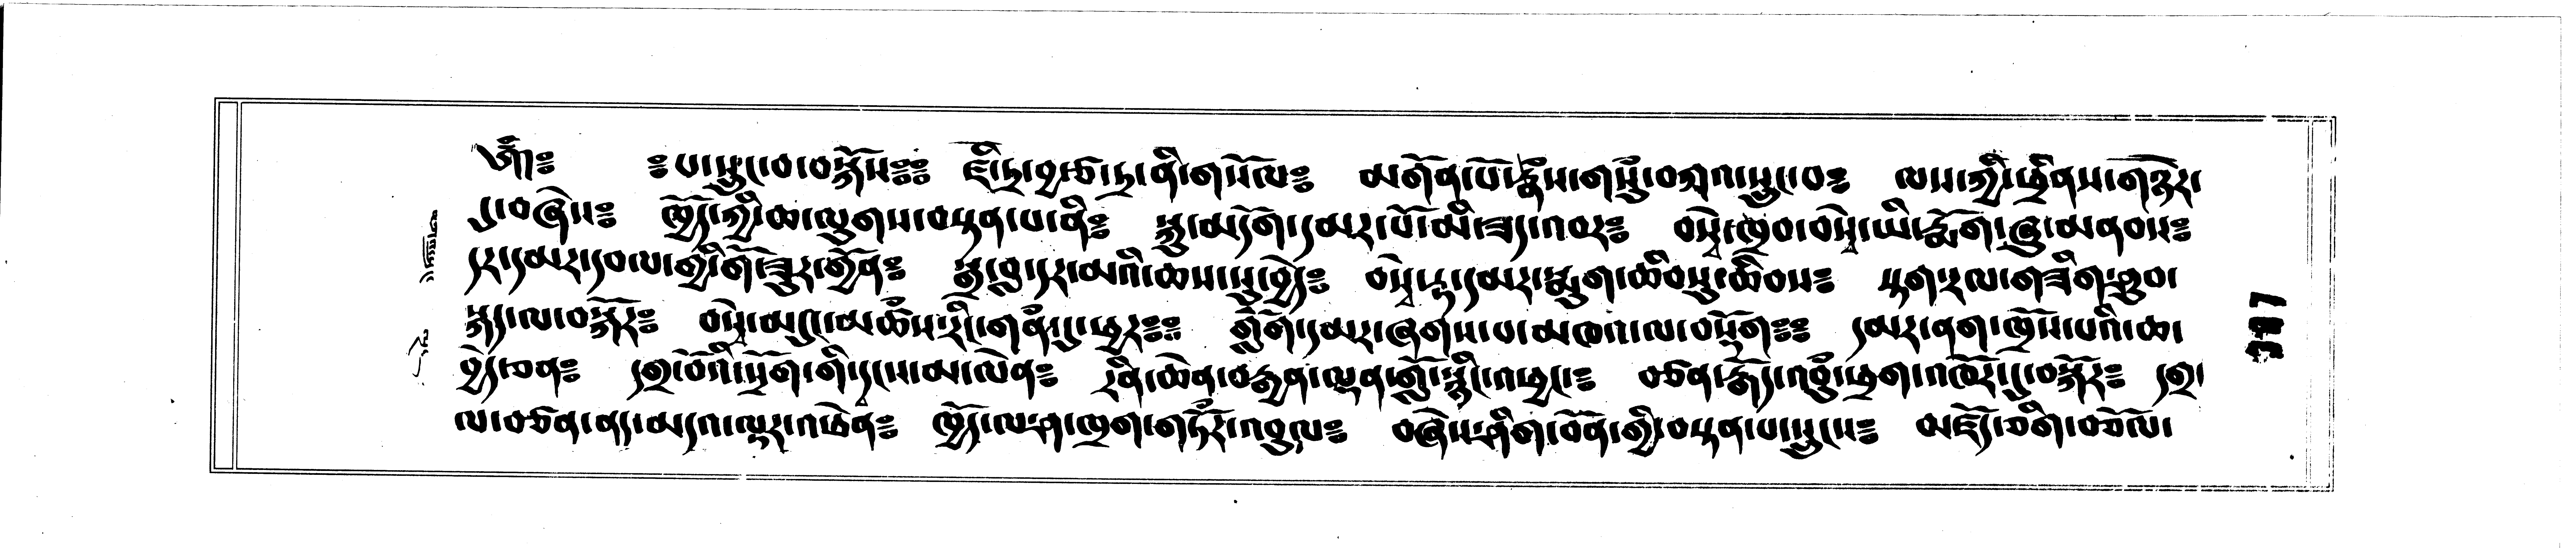༔པ་སྲུང་བ་བསྐོས༔ ཛི་ཏྲ་བྱ་ཙ་ཏྲ་ནི་གསོལ༔ མགོན་པོ་རྣམ་གསུམ་བཀའ་སྲུང་བ༔ ལས་ཀྱི་ཕྲིན་ལས་གཉེར་
དུ་བཞེས༔ ཁྱོད་ཀྱི་ཆ་ལུགས་བསྟན་པ་ནི༔ སྐུ་མདོག་དམར་པོ་མི་ཟད་འབར༔ བསྭེ་ཁྲབ་བསྭེ་ཡི་རྨོག་ཞུ་མནབས༔
 དར་དམར་དབལ་གྱི་གོ་ཟུར་གྱོན༔ སྒྲ་བླ་དར་མའི་ཆས་སུ་བྱེད༔ བསྭེ་རྟ་དམར་སྨུག་ཆིབས་སུ་ཆིབས༔ སྟག་རལ་གཟིག་ཤུབ་
སྐད་ལ་བསྐོར༔ བསྭེ་མདུང་མཚམས་རིང་གནམ་དུ་ཕྱར༔༔ གློག་དམར་ཞགས་པ་མཁའ་ལ་བསྡོགས༔༔ དམར་ནག་ཁྲོས་པའི་ཆ་
བྱེད་ཅན༔ དགྲ་བོའི་སྲོག་གི་དྭངས་མ་ལེན༔ རིན་ཆེན་རྒྱན་ལྡན་གློ་སྙིང་འཕྱང་༔ བཙན་རྒོད་འབུམ་ཕྲག་འཁོར་དུ་བསྐོར༔ དགྲ་
ལ་བཙན་ནད་མདའ་ལྟར་འཕེན༔ ཁྱོད་ལ་ཤ་ཁྲག་གཏོར་མ་འབུལ༔ བཞེས་ཤིག་བོན་གྱི་བསྟན་པ་སྲུངས༔ མཛོད་ཅིག་བཅོལ་